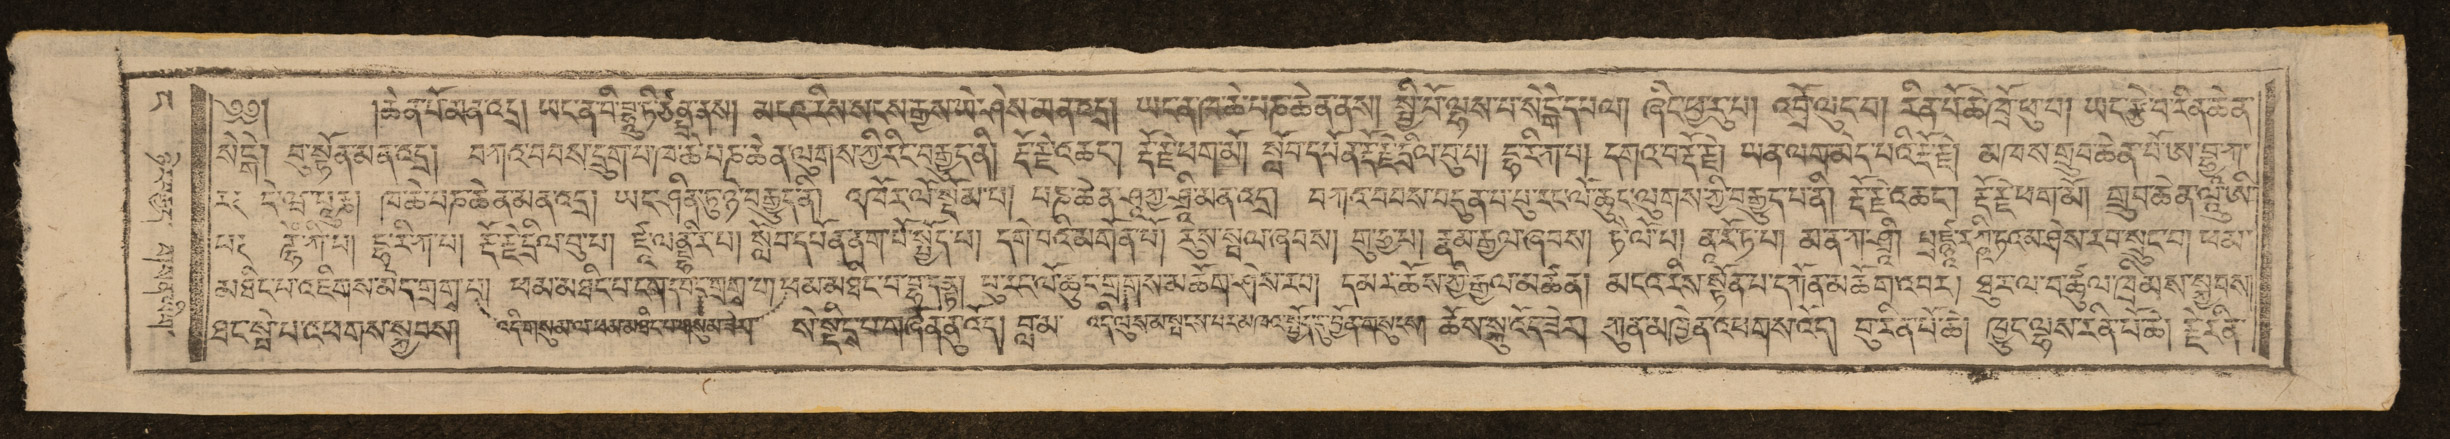༄༅། །ཆེན་པོ་མན་འདྲ། ཡང་ན་བི་བྷཱུ་ཏི་ཙནྡྲ་ནས། མངའ་རིས་སངས་རྒྱས་ཡེ་ཤེས་མན་འདྲ། ཡང་ན་ཁ་ཆེ་པཎ་ཆེན་ནས། སྤྱི་པོ་ལྷས་པ་སེངྒེ་དཔལ། ཞིང་ཕྱ་རུ་པ། འབྲོ་ལུང་བ། རིན་པོ་ཆེ་ཁྲོ་ཕུ་བ། ཡང་རྩེ་བ་རིན་ཆེན་
སེངྒེ། བུ་སྟོན་མན་འདྲ། བཀའ་བབས་དྲུག་པ་ཁ་ཆེ་པཎ་ཆེན་ལུགས་ཀྱི་རིང་བརྒྱུད་ནི། རྡོ་རྗེ་འཆང་། རྡོ་རྗེ་ཕག་མོ། སློབ་དཔོན་རྡོ་རྗེ་དྲིལ་བུ་པ། དྷ་རི་ཀ་པ། དགའ་བ་རྡོ་རྗེ། ཡན་ལག་མེད་པའི་རྡོ་རྗེ། མཁས་གྲུབ་ཆེན་པོ་ཨ་བྷྱ་ཀ་
ར༑ དེ་ཝ་པཱུརྞ། ཁ་ཆེ་པཎ་ཆེན་མན་འདྲ། ཡང་ཤིན་ཏུ་ཉེ་བརྒྱུད་ནི། འཁོར་ལོ་སྡོམ་པ། པཎ་ཆེན་ཤཱཀྱ་ཤྲཱི་མན་འདྲ། བཀའ་བབས་བདུན་པ་པུ་རང་ལོ་ཆུང་ལུགས་ཀྱི་བརྒྱུད་པ་ནི། རྡོ་རྗེ་འཆང་། རྡོ་རྗེ་ཕག་མོ། གྲུབ་ཆེན་ལཱུ་ཨི་
པ༑ ཌྷཾ་ཀི་པ། དྷ་རི་ཀ་པ། རྡོ་རྗེ་དྲིལ་བུ་པ། ཛཱ་ལནྡྷི་ར་པ། སློབ་དཔོན་ནག་པོ་སྤྱོད་པ། དགེ་བའི་མགོན་པོ། རུས་སྦལ་ཞབས། གུ་ཧྱ་པ། རྣམ་རྒྱལ་ཞབས། ཏཻ་ལོ་པ། ནཱ་རོ་ཏ་པ། མ་ན་ཀ་ཤྲཱི། པྲཛྙཱ་རཀྵི་ཏའམ་ཤེས་རབ་སྲུང་བ། ཕམ་
མཐིང་པ་འཇིགས་མེད་གྲགས་པ། ཕམ་མཐིང་པ་ངག་དབང་གྲགས་པ། ཕམ་མཐིང་པ་བྷ་དནྟ། པུ་རང་ལོ་ཆུང་གྲགས་མཆོག་ཤེས་རབ། དམར་ཆོས་ཀྱི་རྒྱལ་མཚན། མངའ་རིས་སྟོན་པ་དཀོན་མཆོག་འབར། ཐུར་ལ་བ་ཚུལ་ཁྲིམས་སྐྱབས་
ཐང་སྤེ་པ་འཕགས་སྐྱབས། འདི་གསུམ་ལ་ཕམ་མཐིང་པ་གསུམ་ཟེར། སེ་སྡིངས་པ་གཞོན་ནུ་འོད། བླ་མ་འདི་ལུས་མ་སྤངས་པར་མཁའ་སྤྱོད་དུ་བྱོན་གསུངས། ཆོས་སྐུ་འོད་ཟེར། ཀུན་མཁྱེན་འཕགས་འོད། བུ་རིན་པོ་ཆེ། ཁྱུང་ལྷས་རིན་པོ་ཆེ། རྗེ་རིན་